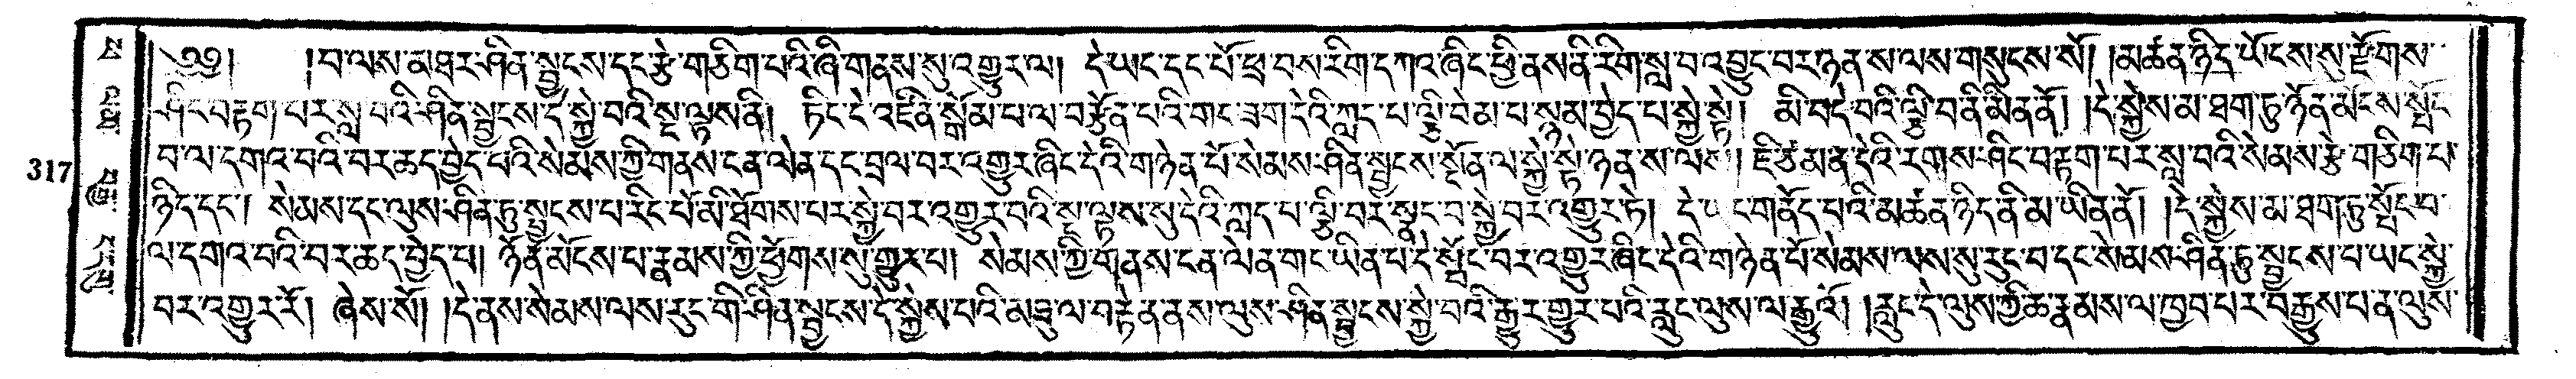༄༅། །བ་ལས་མཐར་ཤིན་སྦྱངས་དང་རྩེ་གཅིག་པའི་ཞི་གནས་སུ་འགྱུར་ལ། དེ་ཡང་དང་པོ་ཕྲ་བས་རིག་དཀའ་ཞིང་ཕྱི་ནས་ནི་རིག་སླ་བ་འབྱུང་བར་ཉམ་ས་ལས་གསུངས་སོ། །མཚན་ཉིད་ཡོངས་སུ་རྫོགས་
ཤིང་བརྟག་པར་སླ་བའི་ཤིན་སྦྱངས་དེ་སྐྱེ་བའི་སྔ་ལྟས་ནི། ཏིང་ངེ་འཛིན་སྒོམ་པ་ལ་བརྩོན་པའི་གང་ཟག་དེའི་ཀླད་པ་ལྕི་བེམ་པ་སྙམ་བྱེད་པ་སྐྱེ་སྟེ། མི་བདེ་བའི་ལྕི་བ་ནི་མིན་ནོ། །དེ་སྐྱེས་མ་ཐག་ཏུ་ཉོན་མོངས་སྤོང་
བ་ལ་དགའ་བའི་བར་ཆད་བྱེད་པའི་སེམས་ཀྱི་གནས་ངན་ལེན་དང་བྲལ་བར་འགྱུར་ཞིང་དེའི་གཉེན་པོ་སེམས་ཤིན་སྦྱངས་སྔོན་ལ་སྐྱེ་སྟེ་ཉན་ས་ལས། ཇི་ཙམ་ན་དེའི་རགས་ཤིང་བརྟག་པར་སླ་བའི་སེམས་རྩེ་གཅིག་པ་
ཉིད་དང་། སེམས་དང་ལུས་ཤིན་ཏུ་སྦྱངས་པ་རིང་པོ་མི་ཐོགས་པར་སྐྱེ་བར་འགྱུར་བའི་སྔ་ལྟས་སུ་དེའི་ཀླད་པ་ལྕི་བར་སྣང་བ་སྐྱེ་བར་འགྱུར་ཏེ། དེ་ཡང་གནོད་པའི་མཚན་ཉིད་ནི་མ་ཡིན་ནོ། །དེ་སྐྱེས་མ་ཐག་ཏུ་སྤོང་བ་
ལ་དགའ་བའི་བར་ཆད་བྱེད་པ། ཉོན་མོངས་པ་རྣམས་ཀྱི་ཕྱོགས་སུ་གྱུར་པ། སེམས་ཀྱི་གནས་ངན་ལེན་གང་ཡིན་པ་དེ་སྤོང་བར་འགྱུར་ཞིང་དེའི་གཉེན་པོ་སེམས་ལས་སུ་རུང་བ་དང་སེམས་ཤིན་ཏུ་སྦྱངས་པ་ཡང་སྐྱེ་
བར་འགྱུར་རོ། ཞེས་སོ། །དེ་ནས་སེམས་ལས་རུང་གི་ཤིན་སྦྱངས་དེ་སྐྱེས་པའི་མཐུ་ལ་བརྟེན་ནས་ལུས་ཤིན་སྦྱངས་སྐྱེ་བའི་རྒྱུར་གྱུར་པའི་རླུང་ལུས་ལ་རྒྱུའོ། །རླུང་དེ་ལུས་ཀྱི་ཆ་རྣམས་ལ་ཁྱབ་པར་བརྒྱུས་པ་ན་ལུས་